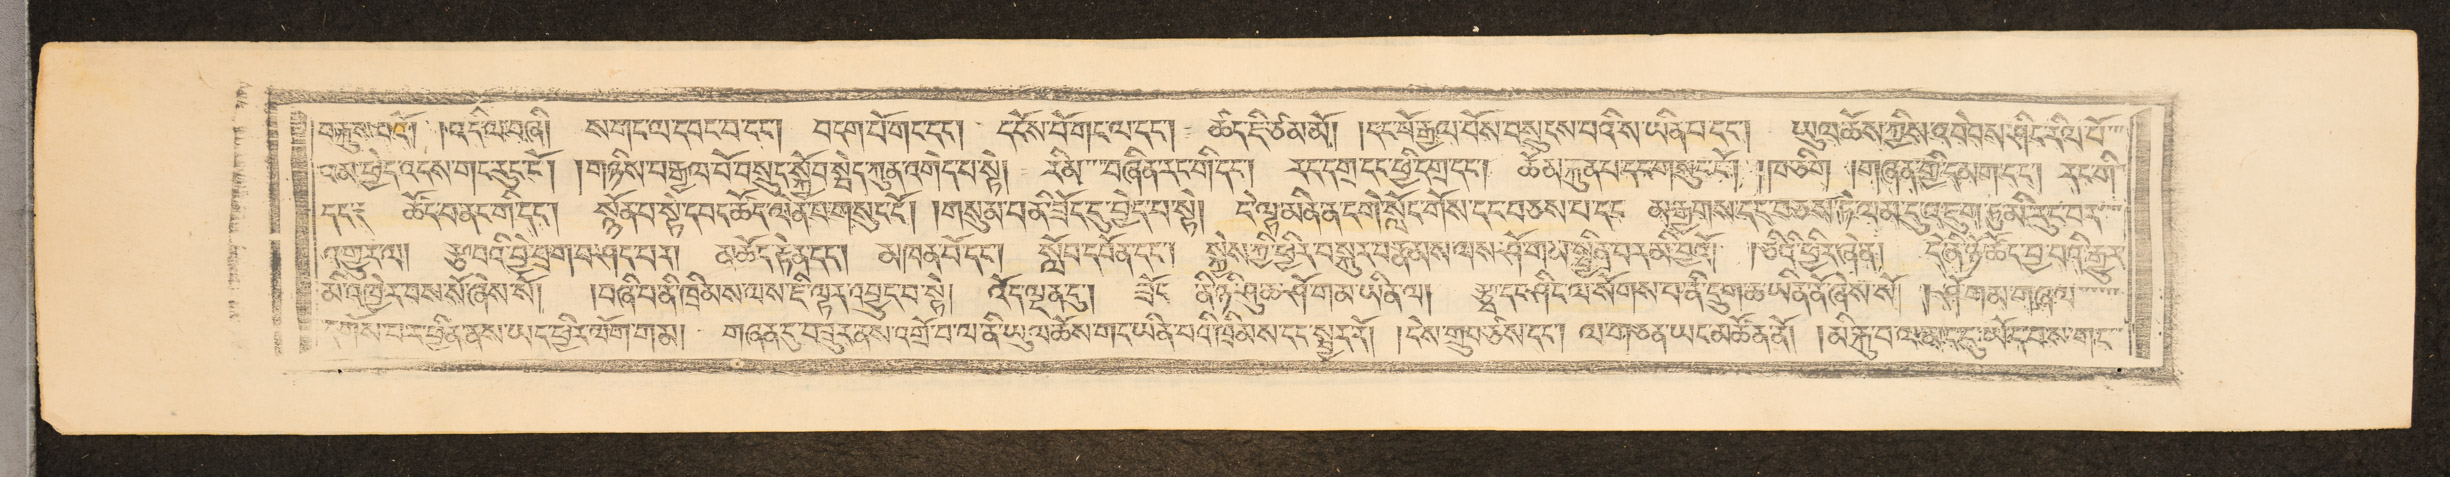བརྐུས་པའོ། །འདི་ལ་བཞི། ས་གང་ལ་དབང་བ་དང་། བདག་པོ་གང་དང་། དངོས་པོ་གང་ལ་དང་། ཚད་ཇི་ཙམ་མོ། །དང་པོ་རྒྱལ་པོས་བསྲུངས་པའི་ས་ཡིན་པ་དང་། ཡུལ་ཆོས་ཀྱིས་འབེབས་ཤིང་རིལ་པོ་
འམ་ཕྱེད་འདས་གང་རུང་ངོ། །གཉིས་པ་རྒྱལ་པོ་བསྲུང་སྐྱོབ་སྦེད་ཀུན་འགེད་པ་སྟེ། རིམ་བཞིན་རང་གི་དང་། རང་དགྲ་དང་ཕྱི་དགྲ་དང་། ཆོམ་རྐུན་པ་དང་གསུང་ངོ། །ཁ་ཅིག །གཞན་གྱི་དམག་དང་། རང་གི་
དང༑ ཚོང་བ་ནང་གི་དང་། སྙོན་པ་སྟེ་དབང་ཚོད་ལེན་པ་གསུང་ངོ། །གསུམ་པ་ནི་ཟོང་དུ་བྱེད་པ་སྟེ། དེ་ལྟ་མིན་ན་དགེ་སློང་གོས་དང་བཅས་པ་དང་ལམ་རྒྱགས་དང་བཅས་ཏེ་ལམ་དུ་འཇུག་ཏུ་མི་རུང་བར་
འགྱུར་ལ། རྩ་བའི་བྱེ་བྲག་བཤད་པར། མཆོད་རྟེན་དང་། མཁན་བོ་དང་། སློབ་དཔོན་དང་། སྐྱེས་ཀྱི་ཕྱིར་བསྐུར་བ་རྣམས་ལས་ཤོ་གམ་སྦྱིན་པར་མི་བྱའོ། །ཅིའི་ཕྱིར་ཞེན། དེ་ནི་ཉོ་ཚོང་བྱ་བའི་རྒྱུར་
མི་འཁྱེར་བས་སོ་ཞེས་སོ། །བཞི་པ་ནི་ཁྲིམས་ལས་ཇི་ལྟར་འབྱུང་བ་སྟེ། འོད་ལྔན་དུ། ཟོང་ལ་ནི་ཉི་ཤུ་ཆ་ཤོག་གམ་ཡིན་ལ། རྩྭ་དང་ཤིང་ལ་སོགས་པ་ནི་དྲུག་ཆ་ཡིན་ནོ་ཞེས་སོ། །ཤོ་གམ་གཞལ་
དགོས་པར་ཕྱིན་ནས་ཡང་ཕྱིར་ལོག་གམ། གཞན་དུ་བཟུང་ནས་འགྲོ་བ་ལ་ནི་ཡུལ་ཆོས་གང་ཡིན་པའི་ཁྲིམས་དང་སྦྱར་རོ། །དེས་གྲུབ་ཙས་དང་། ལ་གཅན་ཡང་མཚོན་ནོ། །མི་རྐུ་བ་ལ་མང་དུ་ཡོད་པས་གང་